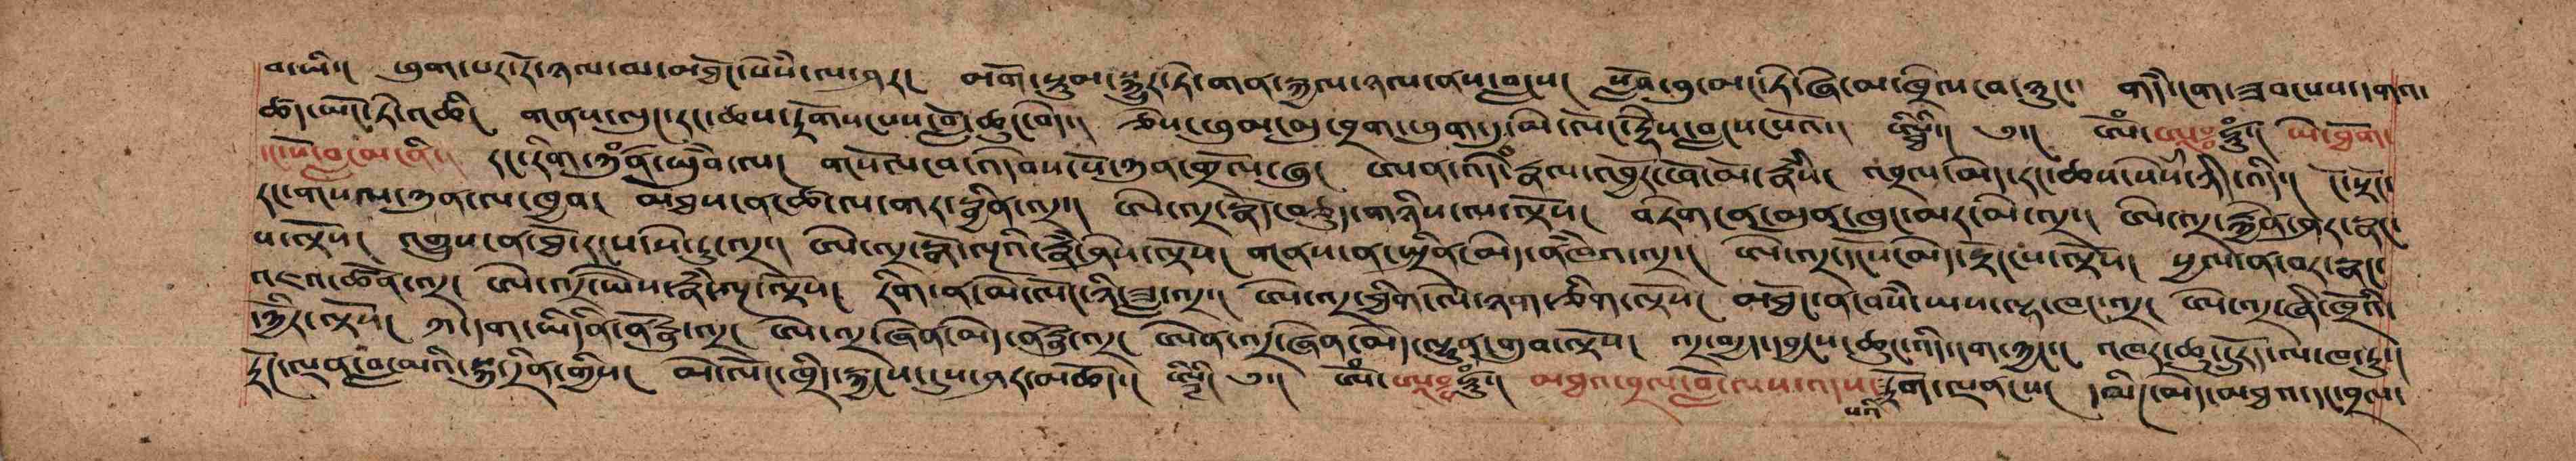བ་ཡི།། ཕུག་པར་རོ་ཉལ་མ་མཐོང་སེམས་ལ་ཤར།། མགོ་བཏུམ་སྐྱུར་ཏེ་གན་རྐྱལ་ཉལ་ནས་བླངས།། སློབ་བུ་མང་སྟེ་ཞེ་མ་ཁྲེལ་བ་ཉུང་།། གདམ་ངག་ཟབ་པས་དགའ་
ཚད་ཡོང་སྟེ་འཆི།། གནས་ལུགས་རང་ཆས་རྟོགས་པས་བློ་ཆུང་བདེ།། ཅེས་ཕུམ་མུ་བྲག་ཕུག་དུ་མེ་ལོང་རྡོ་རྗེས་བླངས་པའོ།། ཨི་ཐི།། ༄་། ཡེ་ཐོག་
དང་པོ་བླ་མ་ནི།། རང་རིག་ཀུན་བཟང་ཡབ་ཡུམ་ལ།། གསོལ་བ་འདེབས་སོ་ཀུན་གྲོལ་ཞུ།། ཨན་འདོ་བ་རྣལ་འབྱོར་ཕོ་མོ་རྣམས།། འབྲལ་མེད་རང་ཆས་སེམས་ཉིད་འདི།། ངོ་སྟོང་
རང་གསལ་ཀུན་ལ་ཁྱབ།། མཐས་ན་ཚ་ལ་གར་སྦྱིན་འདྲ།། ཨེ་འདྲ་སྣོད་བཅུད་གཉིས་ལ་ལྟོས། བཏེག་ན་མུན་ཁུང་མར་མེ་འདྲ།། ཨེ་འདྲ་རྐྱེན་ཤར་སྣང་
བ་ལྟོས།། འགྱུས་ན་ཐོ་རངས་སེ་རུ་འདྲ།། ཨེ་འདྲ་སྒོ་ལྔའི་རྣམ་ཤེས་ལྟོས།། གནས་ན་སྤྲིན་མེད་ནམ་མཁའ་འདྲ།། ཨེ་འདྲ་དངོས་མེད་སྟོང་པ་ལྟོས།། གསལ་ན་བར་སྣང་
འཇའ་ཚོན་འདྲ།། ཨེ་འདྲ་ཡེ་ཤེས་རྣམ་ལྔ་ལྟོས།། རིག་ན་མེ་ལོང་ཉི་ཟླ་འདྲ།། ཨེ་འདྲ་ཐིག་ལེ་ཉག་ཅིག་ལྟོས།། མཐོང་ན་བསམ་ཡས་ལྷ་ཁང་འདྲ།། ཨེ་འདྲ་ཞི་ཁྲོའི་
དཀྱིལ་འཁོར་ལྟོས།། ཀ་དག་ཡིད་བཞིན་ནོར་བུ་འདྲ།། ཨེ་འདྲ་ཞེན་མེད་ནོར་བུ་འདྲ།། ཨེ་འདྲ་ཞེན་མེད་ལྷུན་གྲུབ་ལྟོས།། འདྲ་བརྒྱུད་དབྱངས་ཆུང་འདི་དག་ཀྱང་།། འཁར་ཆུ་དུར་ཁྲོད་ལ་ཁ་རུ།། 
རྟོགས་ལྡན་བླ་མའི་སྐུ་དྲིན་གྱིས།། མེ་ལོང་ཁྲིད་བསྐྱངས་དུས་ཤར་མཆོད།། ཨི་ཊི།། ༄་། ཨོཾ་ཨཱ་ཧཱུཾ། མཐའ་བྲལ་བློ་ལས་འདས་པའི་རྟོགས་ལྡན་ངས།། དམིགས་མེད་མཐའ་དང་བྲལ་